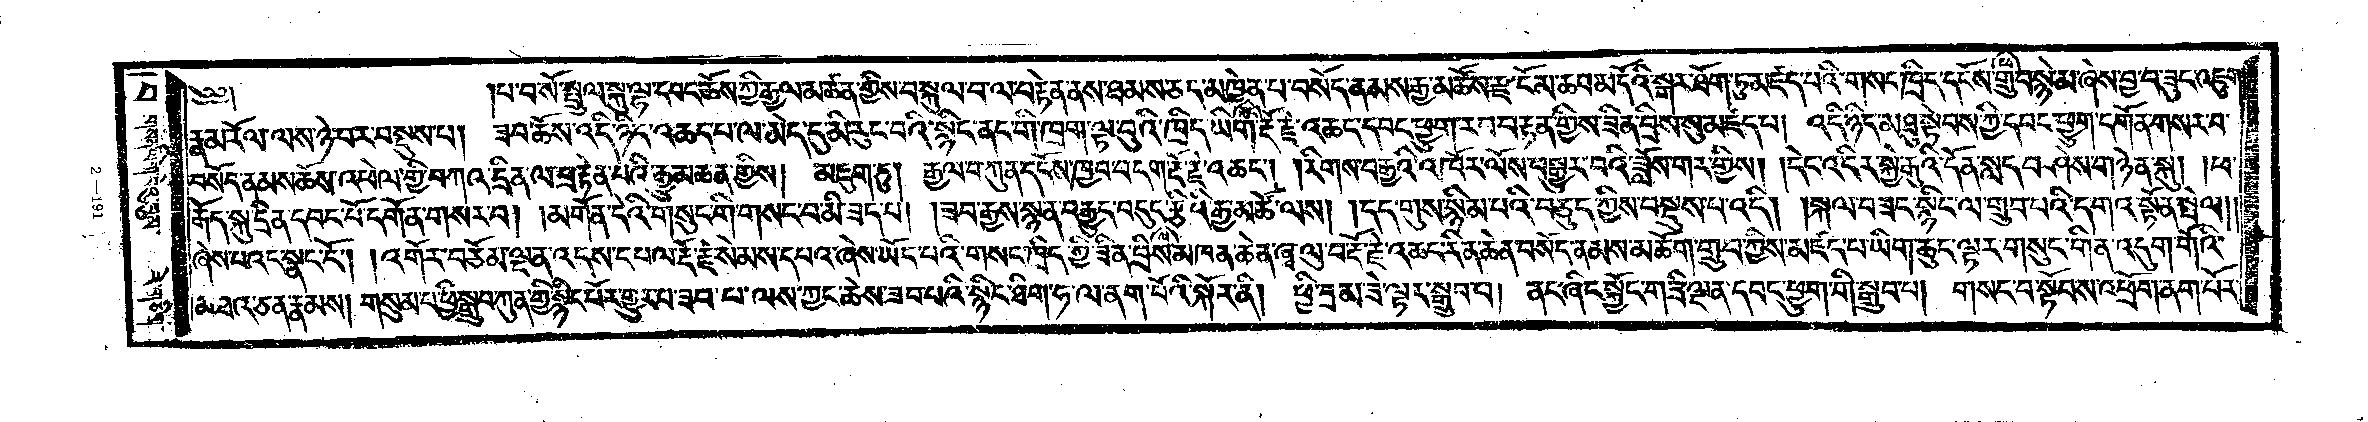༄༅། །པ་བ་སོ་སྤྲུལ་སྐུ་ལྷ་དབང་ཆོས་ཀྱི་རྒྱལ་མཚན་གྱིས་བསྐུལ་བ་ལ་བརྟེན་ནས་ཐམས་ཅད་མཁྱེན་པ་བསོད་ནམས་རྒྱ་མཚོས་རྫ་ངོམ་ཆབ་མདོའི་སྒར་ཐོག་ཏུ་མཛད་པའི་གསང་ཁྲིད་དངོས་གྲུབ་སྙེ་མ་ཞེས་བྱ་བ་ཟུང་འཇུག་
རྣམ་རོལ་ལས་ཉེ་བར་བསྡུས་པ། ཟབ་ཆོས་འདི་ཉིད་འཆད་པ་ལ་མེད་དུ་མི་རུང་བའི་སྙིང་ནང་གི་ཁྲག་ལྟ་བུའི་ཁྲིད་ཡིག་རྡོ་རྗེ་འཆད་དབང་ཕྱུག་རབ་བརྟན་གྱིས་ཟིན་བྲིས་སུ་མཛད་པ། འདི་ཉིད་མཐུ་སྟེབས་ཀྱི་དབང་ཕྱུག་དགོན་གསར་བ་
བསོད་ནམས་ཆོས་འཕེལ་གྱི་བཀའ་དྲིན་ལ་བྲ་རྟེན་པའི་རྒྱུ་མཚན་གྱིས། མཇུག་ཏུ། རྒྱལ་བ་ཀུན་དངོས་ཁྱབ་བདག་རྡོ་རྗེ་འཆང་། །རིགས་བརྒྱའི་འཁོར་ལོས་བསྒྱུར་བའི་ཟློས་གར་གྱིས། །དེང་འདིར་སྐྱེ་རྒུའི་དོན་སླད་བཤེས་གཉེན་སྐུ། །ཕ་
རྒོད་སྐུ་དྲིན་དབང་པོ་དགོན་གསར་བ། །མགོན་དེའི་གསུང་གི་གསང་བ་མི་ཟད་པ། །ཟབ་རྒྱས་སྙན་བརྒྱུད་བདུད་རྩིའི་རྒྱ་མཚོ་ལས། །དད་གུས་སྙིམ་པའི་བཅུད་ཀྱིས་བསྡུས་པ་འདི། །སྐལ་བཟང་སྙིང་ལ་གྲུབ་པའི་དགའ་སྟོན་སྤེལ།།
ཞེས་པའང་སྣང་ངོ། །འགོར་བཅོམ་ལྡན་འདས་དཔལ་རྡོ་རྗེ་སེམས་དཔའ་ཞེས་ཡོད་པའི་གསང་ཁྲིད་ཀྱི་ཟིན་བྲིས་མཁན་ཆེན་ཞྭ་ལུ་བ་རྡོ་རྗེ་འཆང་རིན་ཆེན་བསོད་ནམས་མཆོག་གྲུབ་ཀྱིས་མཛད་པ་ཡིག་ཆུང་ལྟར་གསུང་གིན་འདུག་གོའི་
མཐའ་ཅན་རྣམས། གསུམ་པ་ཕྱི་སྒྲུབ་ཀུན་གྱི་སྙིང་པོར་གྱུར་པ་ཟབ་པ་ལས་ཀྱང་ཆེས་ཟབ་པའི་སྙིང་ཐིག་ཧ་ལ་ནག་པོའི་སྐོར་ནི། ཕྱི་བྲམ་ཟེ་ལྟར་སྒྲུབ་བ། ནང་ཞིང་སྐྱོང་གཟི་ལྡན་དབང་ཕྱུག་གི་སྒྲུབ་པ། གསང་བ་སྟོབས་འཕྲོག་ནག་པོར་